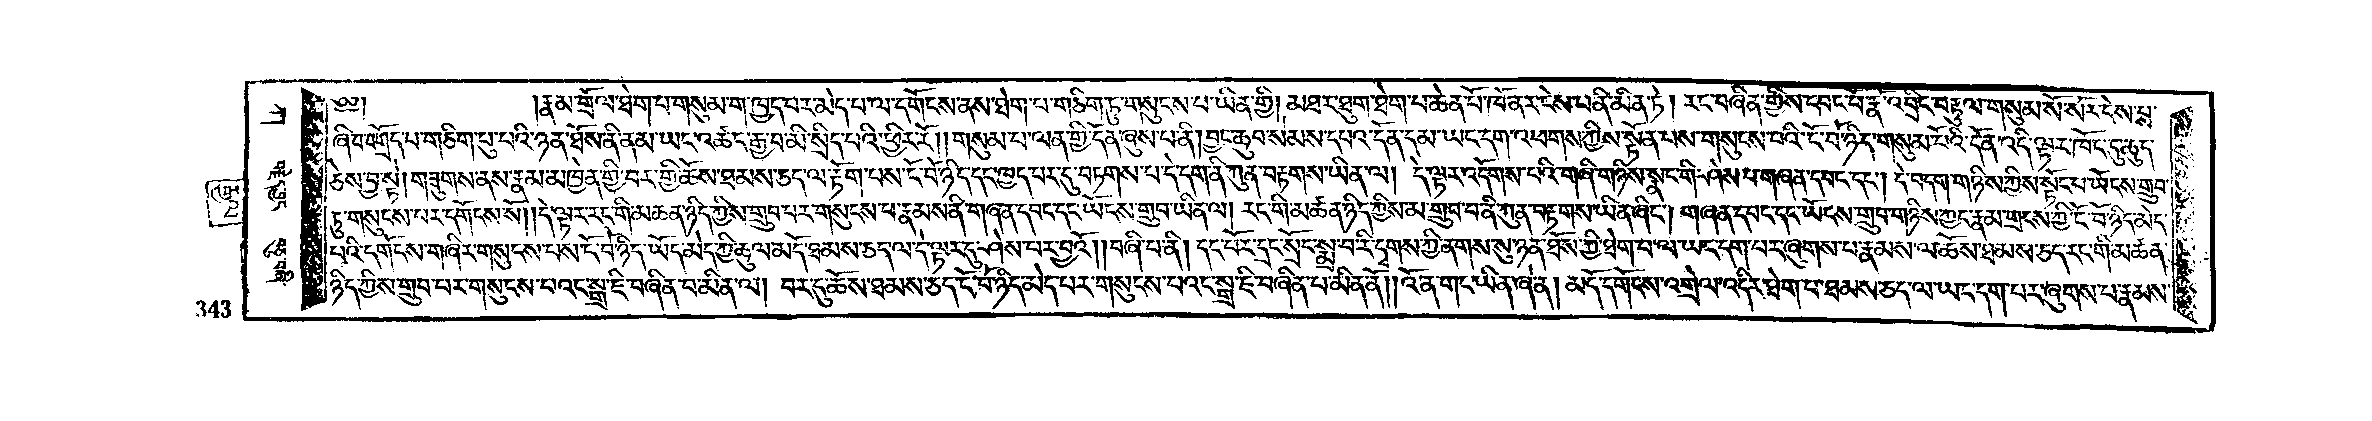༄༅། །རྣམ་གྲོལ་ཐེག་པ་གསུམ་ག་ཁྱད་པར་མེད་པ་ལ་དགོངས་ནས་ཐེག་པ་གཅིག་ཏུ་གསུངས་པ་ཡིན་གྱི། མཐར་ཐུག་ཐེག་པ་ཆེན་པོ་ཁོ་ནར་ངེས་པ་ནི་མིན་ཏེ། རང་བཞིན་གྱིས་དབང་པོ་རྣོ་འབྲིང་བརྟུལ་གསུམ་སོ་སོར་ངེས་པས་
ཞི་བ་བགྲོད་པ་གཅིག་པུ་པའི་ཉན་ཐོས་ནི་ནམ་ཡང་འཚང་རྒྱ་བ་མི་སྲིད་པའི་ཕྱིར་རོ། །གསུམ་པ་ལན་གྱི་དོན་ཞུས་པ་ནི། བྱང་ཆུབ་སེམས་དཔའ་དོན་དམ་ཡང་དག་འཕགས་ཀྱིས་སྟོན་པས་གསུངས་པའི་ངོ་བོ་ཉིད་གསུམ་པོའི་དོན་འདི་ལྟར་ཁོང་དུ་ཆུད་
ཅེས་བྱ་སྟེ། གཟུགས་ནས་རྣམ་མཁྱེན་གྱི་བར་གྱི་ཆོས་ཐམས་ཅད་ལ་རྟོག་པས་ངོ་བོ་ཉིད་དང་ཁྱད་པར་དུ་བཏགས་པ་དེ་དག་ནི་ཀུན་བརྟགས་ཡིན་ལ། དེ་ལྟར་འདོགས་པའི་གཞི་གཉིས་སྣང་གི་ཤེས་པ་གཞན་དབང་དང་། དེ་བདག་གཉིས་ཀྱིས་སྟོང་པ་ཡོངས་གྲུབ་
ཏུ་གསུངས་པར་དགོངས་སོ། །དེ་ལྟར་རང་གི་མཚན་ཉིད་ཀྱིས་གྲུབ་པར་གསུངས་པ་རྣམས་ནི་གཞན་དབང་དང་ཡོངས་གྲུབ་ཡིན་ལ། རང་གི་མཚན་ཉིད་ཀྱིས་མ་གྲུབ་པ་ནི་ཀུན་བརྟགས་ཡིན་ཞིང་། གཞན་དབང་དང་ཡོངས་གྲུབ་གཉིས་ཀྱང་རྣམ་གྲངས་ཀྱི་ངོ་བོ་ཉིད་མེད་
པའི་དགོངས་གཞིར་གསུངས་པས་ངོ་བོ་ཉིད་ཡོད་མེད་ཀྱི་ཚུལ་མདོ་ཐམས་ཅད་ལ་དེ་ལྟར་དུ་ཤེས་པར་བྱའོ། །བཞི་པ་ནི། དང་པོར་དྲང་སྲོང་སྨྲ་བ་རི་དྭགས་ཀྱི་ནགས་སུ་ཉན་ཐོས་ཀྱི་ཐེག་པ་ལ་ཡང་དག་པར་ཞུགས་པ་རྣམས་ལ་ཆོས་ཐམས་ཅད་རང་གི་མཚན་
ཉིད་ཀྱིས་གྲུབ་པར་གསུངས་པའང་སྒྲ་ཇི་བཞིན་པ་མིན་ལ། བར་དུ་ཆོས་ཐམས་ཅད་ངོ་བོ་ཉིད་མེད་པར་གསུངས་པའང་སྒྲ་ཇི་བཞིན་པ་མིན་ནོ། །འོ་ན་གང་ཡིན་ཞེ་ན། མདོ་དགོངས་འགྲེལ་འདིར་ཐེག་པ་ཐམས་ཅད་ལ་ཡང་དག་པར་ཞུགས་པ་རྣམས་